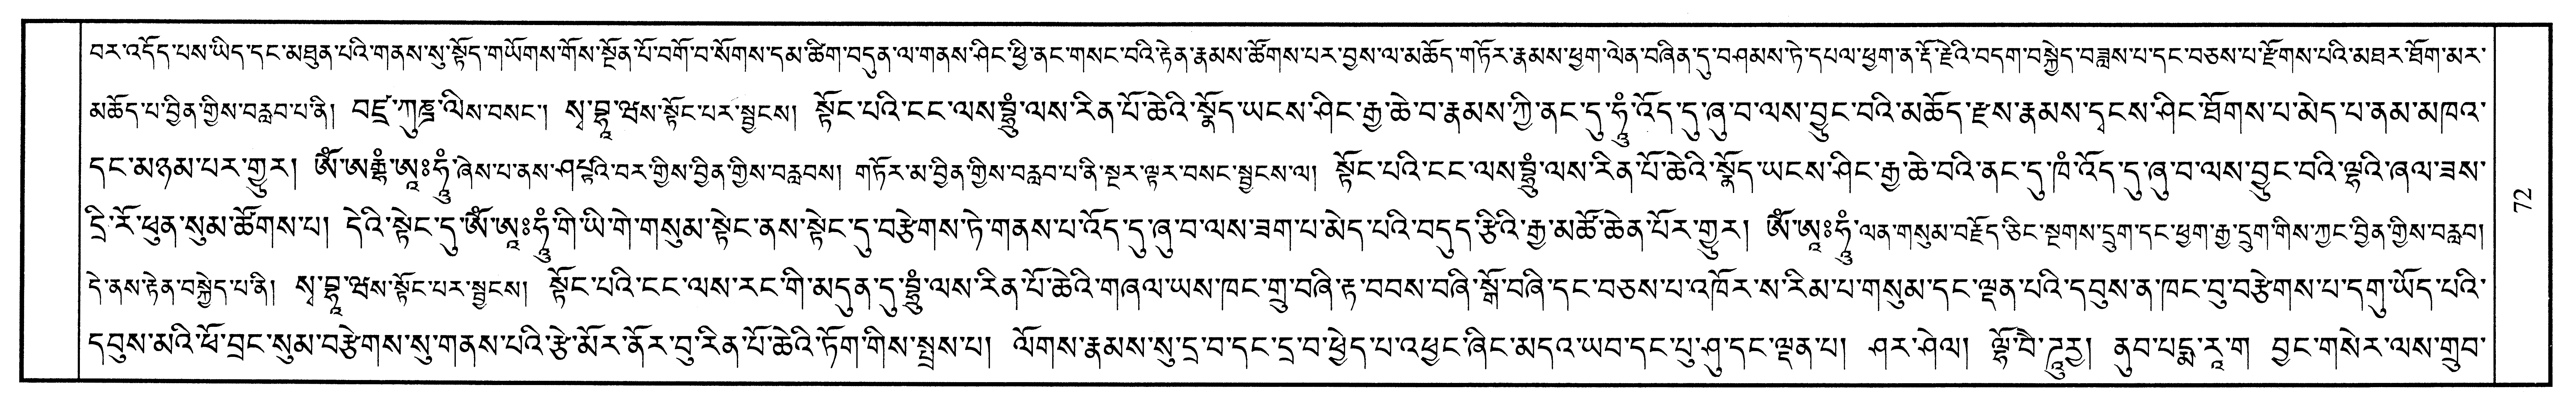བར་འདོད་པས་ཡིད་དང་མཐུན་པའི་གནས་སུ་སྟོད་གཡོགས་གོས་སྔོན་པོ་བགོ་བ་སོགས་དམ་ཚིག་བདུན་ལ་གནས་ཤིང་ཕྱི་ནང་གསང་བའི་རྟེན་རྣམས་ཚོགས་པར་བྱས་ལ་མཆོད་གཏོར་རྣམས་ཕྱག་ལེན་བཞིན་དུ་བཤམས་ཏེ་དཔལ་ཕྱག་ན་རྡོ་རྗེའི་བདག་བསྐྱེད་བཟླས་པ་དང་བཅས་པ་རྫོགས་པའི་མཐར་ཐོག་མར་
མཆོད་པ་བྱིན་གྱིས་བརླབ་པ་ནི། བཛྲ་ཀུཎྜ་ལིས་བསང་། སྭ་བྷཱ་ཝས་སྟོང་པར་སྦྱངས། སྟོང་པའི་ངང་ལས་བྷྲཱུཾ་ལས་རིན་པོ་ཆེའི་སྣོད་ཡངས་ཤིང་རྒྱ་ཆེ་བ་རྣམས་ཀྱི་ནང་དུ་ཧཱུཾ་འོད་དུ་ཞུ་བ་ལས་བྱུང་བའི་མཆོད་རྫས་རྣམས་དྭངས་ཤིང་ཐོགས་པ་མེད་པ་ནམ་མཁའ་
དང་མཉམ་པར་གྱུར། ཨོཾ་ཨརྒྷཾ་ཨཱཿ ཧཱུཾ་ཞེས་པ་ནས་ཤཔྟའི་བར་གྱིས་བྱིན་གྱིས་བརླབས། གཏོར་མ་བྱིན་གྱིས་བརླབ་པ་ནི་སྔར་ལྟར་བསང་སྦྱངས་ལ། སྟོང་པའི་ངང་ལས་བྷྲུཾ་ལས་རིན་པོ་ཆེའི་སྣོད་ཡངས་ཤིང་རྒྱ་ཆེ་བའི་ནང་དུ་ཁཾ་འོད་དུ་ཞུ་བ་ལས་བྱུང་བའི་ལྷའི་ཞལ་ཟས་
དྲི་རོ་ཕུན་སུམ་ཚོགས་པ། དེའི་སྟེང་དུ་ཨོཾ་ཨཱཿ ཧཱུཾ་གི་ཡི་གེ་གསུམ་སྟེང་ནས་སྟེང་དུ་བརྩེགས་ཏེ་གནས་པ་འོད་དུ་ཞུ་བ་ལས་ཟག་པ་མེད་པའི་བདུད་རྩིའི་རྒྱ་མཚོ་ཆེན་པོར་གྱུར། ཨོཾ་ཨཱཿ ཧཱུཾ་ལན་གསུམ་བརྗོད་ཅིང་སྔགས་དྲུག་དང་ཕྱག་རྒྱ་དྲུག་གིས་ཀྱང་བྱིན་གྱིས་བརླབ།
དེ་ནས་རྟེན་བསྐྱེད་པ་ནི། སྭ་བྷཱ་ཝས་སྟོང་པར་སྦྱངས། སྟོང་པའི་ངང་ལས་རང་གི་མདུན་དུ་བྷྲུཾ་ལས་རིན་པོ་ཆེའི་གཞལ་ཡས་ཁང་གྲུ་བཞི་རྟ་བབས་བཞི་སྒོ་བཞི་དང་བཅས་པ་འཁོར་ས་རིམ་པ་གསུམ་དང་ལྡན་པའི་དབུས་ན་ཁང་བུ་བརྩེགས་པ་དགུ་ཡོད་པའི་
དབུས་མའི་ཕོ་བྲང་སུམ་བརྩེགས་སུ་གནས་པའི་རྩེ་མོར་ནོར་བུ་རིན་པོ་ཆེའི་ཏོག་གིས་སྤྲས་པ། ལོགས་རྣམས་སུ་དྲ་བ་དང་དྲ་བ་ཕྱེད་པ་འཕྱང་ཞིང་མདའ་ཡབ་དང་པུ་ཤུ་དང་ལྡན་པ། ཤར་ཤེལ། ལྷོ་བཻ་ཌཱུརྱ། ནུབ་པདམ་རཱ་ག་བྱང་གསེར་ལས་གྲུབ་